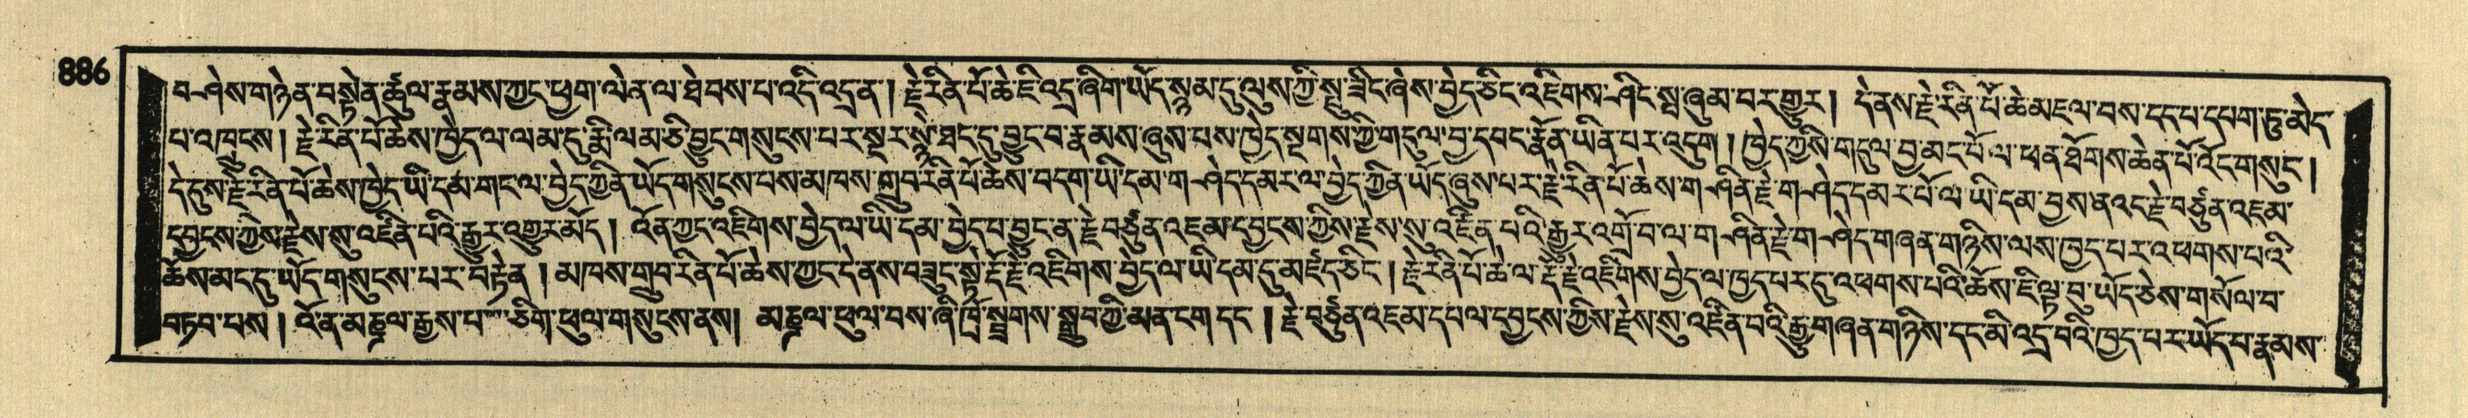བཤེས་གཉེན་བསྟེན་ཚུལ་རྣམས་ཀྱང་ཕྱག་ལེན་ལ་ཐེབས་པ་འདི་འདྲ་ན། རྗེ་རིན་པོ་ཆེ་ཇི་འདྲ་ཞིག་ཡོད་སྙམ་དུ་ལུས་ཀྱི་སྤུ་ཟིང་ཞེས་བྱེད་ཅིང་འཇིགས་ཤིང་སྤ་ཞུམ་པར་གྱུར། དེ་ནས་རྗེ་རིན་པོ་ཆེ་མཇལ་བས་དད་པ་དཔག་ཏུ་མེད་
པ་འཁྲུངས། རྗེ་རིན་པོ་ཆེས་ཁྱེད་ལ་ལམ་དུ་རྨི་ལམ་ཅི་བྱུང་གསུངས་པར་སྔར་སྙེ་ཐང་དུ་བྱུང་བ་རྣམས་ཞུས་པས་ཁྱེད་སྔགས་ཀྱི་གདུལ་བྱ་དབང་རྣོན་ཡིན་པར་འདུག །ཁྱེད་ཀྱིས་གདུལ་བྱ་མང་པོ་ལ་ཕན་ཐོགས་ཆེན་པོ་འོང་གསུང་།
དེ་དུས་རྗེ་རིན་པོ་ཆེས་ཁྱེད་ཡི་དམ་གང་ལ་བྱེད་ཀྱིན་ཡོད་གསུངས་པས་མཁས་གྲུབ་རིན་པོ་ཆེས་བདག་ཡི་དམ་གཤེད་དམར་ལ་བྱེད་ཀྱིན་ཡོད་ཞུས་པར་རྗེ་རིན་པོ་ཆེས་གཤིན་རྗེ་གཤེད་དམར་པོ་ལ་ཡི་དམ་བྱས་ནའང་རྗེ་བཙུན་འཇམ་
དབྱངས་ཀྱིས་རྗེས་སུ་འཛིན་པའི་རྒྱུར་འགྱུར་མོད། འོན་ཀྱང་འཇིགས་བྱེད་ལ་ཡི་དམ་བྱེད་པ་བྱུང་ན་རྗེ་བཙུན་འཇམ་དབྱངས་ཀྱིས་རྗེས་སུ་འཛིན་པའི་རྒྱུར་འགྲོ་བ་ལ་གཤིན་རྗེ་གཤེད་གཞན་གཉིས་ལས་ཁྱད་པར་འཕགས་པའི་
ཆོས་མང་དུ་ཡོད་གསུངས་པར་བརྟེན་།མཁས་གྲུབ་རིན་པོ་ཆེས་ཀྱང་དེ་ནས་བཟུང་སྟེ་རྡོ་རྗེ་འཇིགས་བྱེད་ལ་ཡི་དམ་དུ་མཛད་ཅིང་། རྗེ་རིན་པོ་ཆེ་ལ་རྡོ་རྗེ་འཇིགས་བྱེད་ལ་ཁྱད་པར་དུ་འཕགས་པའི་ཆོས་ཇི་ལྟ་བུ་ཡོད་ཅེས་གསོལ་བ་
བཏབ་པས། འོ་ན་མཎྜལ་རྒྱས་པ་ཅིག་ཕུལ་གསུངས་ནས། མཎྜལ་ཕུལ་བས་ཞི་ཁྲོ་སྦྲགས་སྒྲུབ་ཀྱི་མན་ངག་དང་།རྗེ་བཙུན་འཇམ་དཔལ་དབྱངས་ཀྱིས་རྗེས་སུ་འཛིན་པའི་རྒྱུ་གཞན་གཉིས་དང་མི་འདྲ་བའི་ཁྱད་པར་ཡོད་པ་རྣམས་